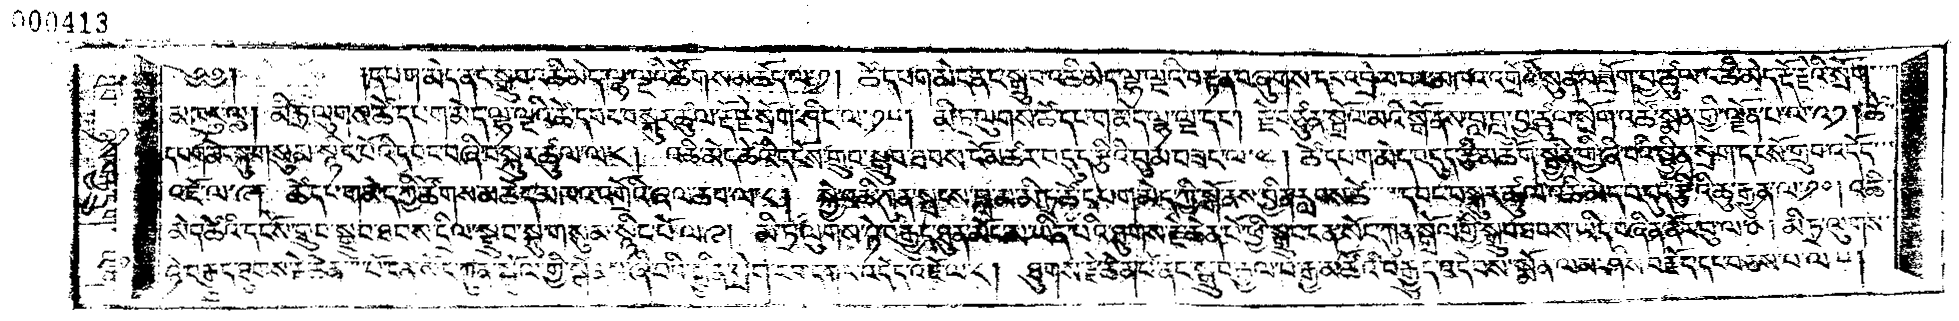༄༅། །དཔག་མེད་ནང་སྒྲུབ་འཆི་མེད་ལྷ་ལྔའི་ཚོགས་མཆོད་ལ༡། ཚེ་དཔག་མེད་ནང་སྒྲུབ་འཆི་མེད་ལྷ་ལྔའི་བརྟན་བཞུགས་དང་འབྲེལ་བར་མཁའ་འགྲོའི་སུན་བཟློག་བྱ་ཚུལ་འཆི་མེད་རྡོ་རྗེའི་སྲོག་
མཁུར་ལ། མི་ཏྲ་ལུགས་ཚེ་དཔག་མེད་ལྷ་ལྔའི་ཚེ་དབང་བསྐུར་ཚུལ་རྡོ་རྗེ་སྲོག་ཤིང་ལ ༡༥། མི་ཏྲ་ལུགས་ཚེ་དཔག་མེད་ལྷ་ལྔ་དག། རྗེ་བཙུན་སྒྲོལ་མའི་སྒོ་ནས་བླ་བླུ་བྱ་ཚུལ་སྲོག་འཚོ་སྨན་གྱི་ལྗོན་པ་ལ ༢༡།ཚེ་
དཔག་མེད་སྐུ་གསུམ་སྙིང་པོའི་དབང་བཞི་བསྐུར་ཚུལ་ལ༨། འཆི་མེད་ཚེའི་དངོས་སྒྲུབ་སྒྲུབ་ཐབས་ངོ་མཚར་བདུད་རྩིའི་བུམ་བཟང་ཨ༤། ཚེ་དཔག་མེད་བདུད་རྩི་མཆོག་སྦྱིན་གྱི་ཞི་བའི་སྦྱིན་སྲེག་དངོས་གྲུབ་འདོད་
འཇོ་ལ༩། ཚེ་དཔག་མེད་ཀྱི་ཚོགས་མཆོད་མཁའ་འགྲོའི་ཞལ་ཆབ་ལ༨། སྐྱེ་ཆི་ཀུན་སྤངས་བླ་མ་མི་ཏྲ་ཚེ་དཔག་མེད་ཀྱི་སྒོ་ནས་བྱིན་བརླབས་ཚེ་དབང་བསྐུར་ཚུལ་འཆི་མེད་བདུད་རྩིའི་ཆུ་རྒྱུན་ལ༡༠། འཆི་
མེད་ཚེའི་དངོས་གྲུབ་སྒྲུབ་ཐབས་དྲིལ་སྒྲུབ་སྐུ་གསུམ་སྙིང་པོ་ལ ༩། མི་ཏྲ་ལུགས་ཉེ་བརྒྱུད་ཐུན་མོང་མ་ཡིན་པའི་ཐུགས་རྗེ་ཆེན་པོ་ཕྱི་སྒྲུབ་ངན་སོང་ཀུན་སྒྲོལ་གྱི་སྒྲུབ་ཐབས་ཡིད་བཞིན་ནོར་བུ་ལ ༦། མི་ཏྲ་ལུགས་
ཉེ་བརྒྱུད་ཐུགས་རྗེ་ཆེན་པོ་ངན་གསོང་ཀུན་སྒྲོལ་གྱི་སྒོ་ནས་ཞི་བའི་སྦྱིན་སྲེག་རབ་དཀར་འདོད་འཇོལ ༨། ཐུགས་རྗེ་ཆེན་པོ་ནང་སྒྲུབ་རྒྱལ་བ་རྒྱ་མཚོའི་བརྒྱུད་འདེབས་སྨོན་ལམ་ཤིས་བརྗོད་དང་བཅས་པ་ལ༥།